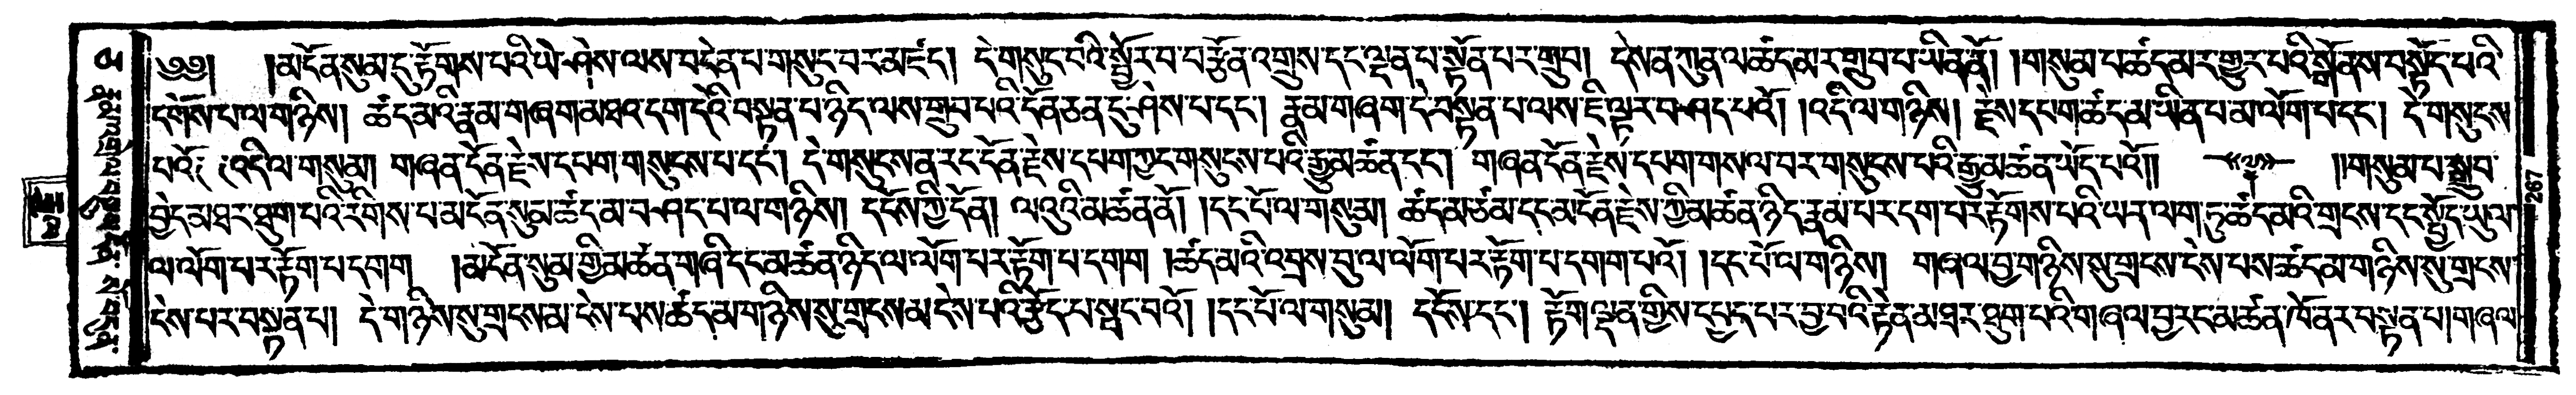༄༅། །མངོན་སུམ་དུ་རྟོགས་པའི་ཡེ་ཤེས་ལས་བདེན་པ་གསུང་བར་མཛད། དེ་གསུང་བའི་སྦྱོར་བ་བརྩོན་འགྲུས་དང་ལྡན་པ་སྟོན་པར་གྲུབ། དེས་ན་ཀུན་ལ་ཚད་མར་གྲུབ་པ་ཡིན་ནོ། །གསུམ་པ་ཚད་མར་གྱུར་པའི་སྒོ་ནས་བསྟོད་པའི་
དགོས་པ་ལ་གཉིས། ཚད་མའི་རྣམ་གཞག་མཐའ་དག་དེའི་བསྟན་པ་ཉིད་ལས་གྲུབ་པའི་དོན་ཅན་དུ་ཤེས་པ་དང་། རྣམ་གཞག་དེ་བསྟན་པ་ལས་ཇི་ལྟར་བཤད་པའོ། །འདི་ལ་གཉིས། རྗེས་དཔག་ཚད་མ་ཡིན་པ་མ་ལོག་པ་དང་། དེ་གསུངས་
པའོ། །འདི་ལ་གསུམ། གཞན་དོན་རྗེས་དཔག་གསུངས་པ་དང་། དེ་གསུངས་ན་རང་དོན་རྗེས་དཔག་ཀྱང་གསུངས་པའི་རྒྱུ་མཚན་དང་། གཞན་དོན་རྗེས་དཔག་གསལ་བར་གསུངས་པའི་རྒྱུ་མཚན་ཡོད་པའོ།། ༈ །།གསུམ་པ་སྒྲུབ་
བྱེད་མཐར་ཐུག་པའི་རིགས་པ་མངོན་སུམ་ཚད་མ་བཤད་པ་ལ་གཉིས། དངོས་ཀྱི་དོན། ལའུའི་མཚན་ནོ། །དང་པོ་ལ་གསུམ། ཚད་མ་ཙམ་དང་མངོན་རྗེས་ཀྱི་མཚན་ཉིད་རྣམ་པར་དག་པར་རྟོགས་པའི་ཡར་ལག་ཏུ་ཚད་མའི་གྲངས་དང་སྤྱོད་ཡུལ་
ལ་ལོག་པར་རྟོག་པ་དགག །མངོན་སུམ་གྱི་མཚན་གཞི་དང་མཚན་ཉིད་ལ་ལོག་པར་རྟོག་པ་དགག །ཚད་མའི་འབྲས་བུ་ལ་ལོག་པར་རྟོག་པ་དགག་པའོ། །དང་པོ་ལ་གཉིས། གཞལ་བྱ་གཉིས་སུ་གྲངས་ངེས་པས་ཚད་མ་གཉིས་སུ་གྲངས་
ངེས་པར་བསྟན་པ། དེ་གཉིས་སུ་གྲངས་མ་ངེས་པས་ཚད་མ་གཉིས་སུ་གྲངས་མ་ངེས་པའི་རྩོད་པ་སྤང་བའོ། །དང་པོ་ལ་གསུམ། དངོས་དང་། རྟོག་ལྡན་གྱིས་དཔྱད་པར་བྱ་བའི་རྟེན་མཐར་ཐུག་པའི་གཞལ་བྱ་རང་མཚན་ཁོ་ནར་བསྟན་པ། གཞལ་